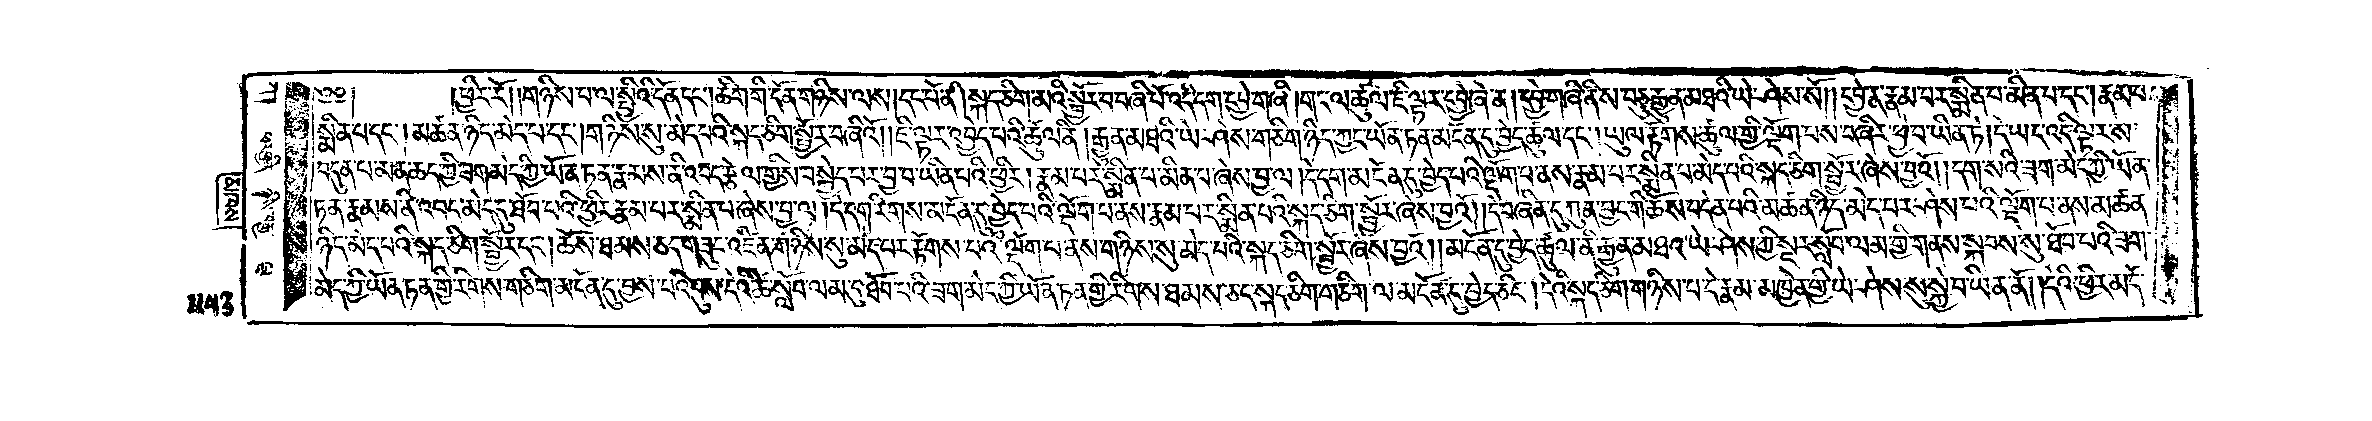༄༅། །ཕྱིར་རོ། །གཉིས་པ་ལ་སྤྱིའི་དོན་དང་། ཚིག་གི་དོན་གཉིས་ལས། དང་པོ་ནི། སྐད་ཅིག་མའི་སྦྱོར་བ་བཞི་པོ་འདི་དག་དབྱེ་གཞི། གང་ལ་ཚུལ་ཇི་ལྟར་དབྱེ་ཞེ་ན། དབྱེ་གཞི་ནི་ས་བཅུ་རྒྱུན་མཐའི་ཡེ་ཤེས་སོ། །དབྱེ་ན་རྣམ་པར་སྨིན་པ་མིན་པ་དང་། རྣམ་པ་
སྨིན་པ་དང་། མཚན་ཉིད་མེད་པ་དང་། གཉིས་སུ་མེད་པའི་སྐད་ཅིག་སྦྱོར་བཞིའོ། །ཇི་ལྟར་འབྱེད་པའི་ཚུལ་ནི། རྒྱུན་མཐའི་ཡེ་ཤེས་གཅིག་ཉིད་ཀྱང་ཡོན་ཏན་མངོན་དུ་བྱེད་ཚུལ་དང་། ཡུལ་རྟོགས་ཚུལ་གྱི་ལྡོག་པས་བཞིར་ཕྱེ་བ་ཡིན་ཏེ། དེ་ཡང་འདི་ལྟར་ས་
བདུན་པ་མན་ཆད་ཀྱི་ཟག་མེད་ཀྱི་ཡོན་ཏན་རྣམས་ནི་འབད་རྩོལ་གྱིས་བསྐྱེད་པར་བྱ་བ་ཡིན་པའི་ཕྱིར། རྣམ་པར་སྨིན་པ་མིན་པ་ཞེས་བྱ་ལ། དེ་དག་མངོན་དུ་བྱེད་པའི་ལྡོག་པ་ནས་རྣམ་པར་སྨིན་པ་མེད་པའི་སྐད་ཅིག་སྦྱོར་ཞེས་བྱའོ། །དག་སའི་ཟག་མེད་ཀྱི་ཡོན་
ཏན་རྣམས་ནི་འབད་མེད་དུ་ཐོབ་པའི་ཕྱིར་རྣམ་པར་སྨིན་པ་ཞེས་བྱ་ལ། དེ་དག་རིགས་མངོན་དུ་བྱེད་པའི་ལྡོག་པ་ནས་རྣམ་པར་སྨིན་པའི་སྐད་ཅིག་སྦྱོར་ཞེས་བྱའོ། །དེ་བཞིན་དུ་ཀུན་བྱང་གི་ཆོས་བདེན་པའི་མཚན་ཉིད་མེད་པར་ཤེས་པའི་ལྡོག་པ་ནས་མཚན་
ཉིད་མེད་པའི་སྐད་ཅིག་སྦྱོར་དང་། ཆོས་ཐམས་ཅད་གཟུང་འཛིན་གཉིས་སུ་མེད་པར་རྟོགས་པའི་ལྡོག་པ་ནས་གཉིས་སུ་མེད་པའི་སྐད་ཅིག་སྦྱོར་ཞེས་བྱའོ། །མངོན་དུ་བྱེད་ཚུལ་ནི་རྒྱུན་མཐའ་ཡེ་ཤེས་ཀྱི་སྔར་སློབ་ལམ་གྱི་གནས་སྐབས་སུ་ཐོབ་པའི་ཟག་
མེད་ཀྱི་ཡོན་ཏན་གྱི་རིགས་གཅིག་མངོན་དུ་བྱས་པའི་དུས་དེའི་ཚེ་སློབ་ལམ་དུ་ཐོབ་པའི་ཟག་མེད་ཀྱི་ཡོན་ཏན་གྱི་རིགས་ཐམས་ཅད་སྐད་ཅིག་གཅིག་ལ་མངོན་དུ་བྱེད་ཅིང་། དེའི་སྐད་ཅིག་གཉིས་པ་དེ་རྣམ་མཁྱེན་གྱི་ཡེ་ཤེས་སུ་སྐྱེ་བ་ཡིན་ནོ། །དེའི་ཕྱིར་མདོ་